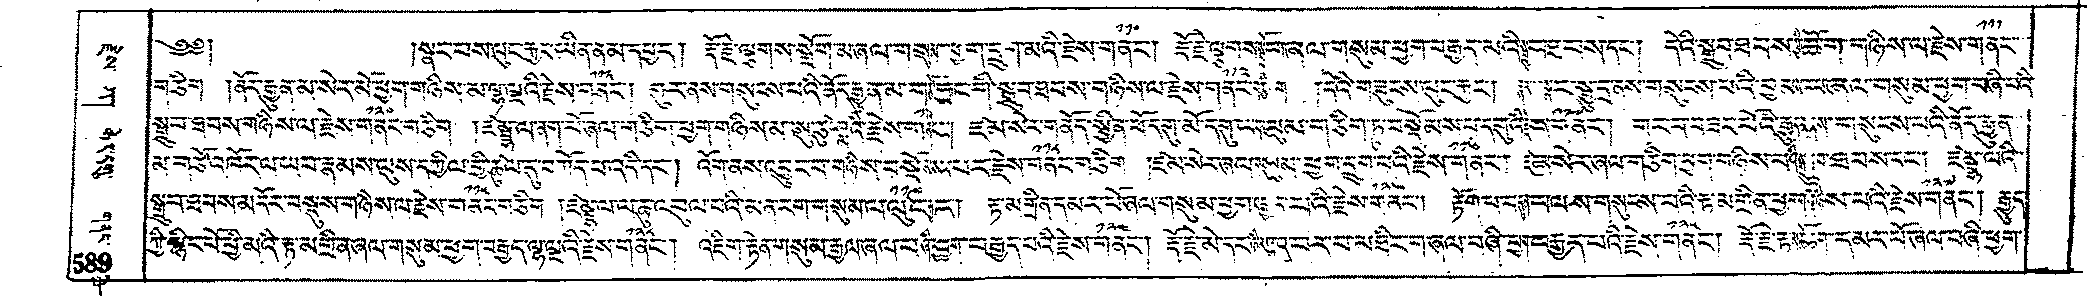༄༅། །སྣང་བས་ལུང་རྐྱང་ཡིན་ནམ་དཔྱད། རྡོ་རྗེ་ལྕགས་སྒྲོག་མ་ཞལ་གསུམ་ཕྱག་དྲུག་མའི་རྗེས་གནང་། རྡོ་རྗེ་ལྕགས་སྒྲོག་ཞལ་གསུམ་ཕྱག་བརྒྱད་མའི་སྒྲུབ་ཐབས་དང་། དེའི་སྒྲུབ་ཐབས་ཀྱི་ཆོ་ག་གཉིས་ལ་རྗེས་གནང་
གཅིག །ནོར་རྒྱུན་མ་སེར་མོ་ཕྱག་གཉིས་མ་ལྷ་ལྔའི་རྗེས་གནང་། གུར་ནས་གསུངས་པའི་ནོར་རྒྱུན་མ་གཙོ་རྐྱང་གི་སྒྲུབ་ཐབས་གཉིས་ལ་རྗེས་གནང་གཅིག །དེའི་གཟུངས་ལུང་རྐྱང་། རྣམ་སྣང་སྒྱུ་དྲ་ནས་གསུངས་པའི་བྱམས་པ་ཞལ་གསུམ་ཕྱག་བཞི་པའི་
སྒྲུབ་ཐབས་གཉིས་ལ་རྗེས་གནང་གཅིག །ཛམྦྷ་ལ་ནག་པོ་ཞལ་གཅིག་ཕྱག་གཉིས་མ་ཨུ་ཙུ་ཤྨའི་རྗེས་གནང་། ཛམ་སེར་གནོད་སྦྱིན་ཕོ་དགུ་མོ་དགུ་ཡབ་ཡུམ་གཅིག་ཏུ་བསྡོམས་པ་དགུའི་རྗེས་གནང་། གང་བ་བཟང་པོའི་རྒྱུད་ནས་གསུངས་པའི་ནོར་རྒྱུན་
མ་གཙོ་འཁོར་ལ་ཡབ་རྣམས་ལུས་དཀྱིལ་གྱི་ཚུལ་དུ་བཀོད་པ་འདི་དང་། འོག་ནས་འབྱུང་བ་གཉིས་བསྡོམས་པར་རྗེས་གནང་གཅིག །ཛམ་སེར་ཞལ་གསུམ་ཕྱག་དྲུག་པའི་རྗེས་གནང་། ཛམ་སེར་ཞལ་གཅིག་ཕྱག་གཉིས་པའི་སྒྲུབ་ཐབས་དང་། ཛམྦྷ་ལའི་
སྒྲུབ་ཐབས་མདོར་བསྡུས་གཉིས་ལ་རྗེས་གནང་གཅིག །ཛམྦྷ་ལ་ལ་ཆུ་འབུལ་བའི་མན་ངག་གསུམ་ལ་ལུང་རྐྱང་། རྟ་མགྲིན་དམར་པོ་ཞལ་གསུམ་ཕྱག་བརྒྱད་པའི་རྗེས་གནང་། རྟོག་པ་བདུན་པ་ལས་གསུངས་པའི་རྟ་མགྲིན་ཕྱག་གཉིས་པའི་རྗེས་གནང་། རྒྱུད་
ཀྱི་སྙིང་པོ་ཕྱི་མའི་རྟ་མགྲིན་ཞལ་གསུམ་ཕྱག་བརྒྱད་ལྷ་ལྔའི་རྗེས་གནང་། འཇིག་རྟེན་གསུམ་རྒྱལ་ཞལ་བཞི་ཕྱག་བརྒྱད་པའི་རྗེས་གནང་། རྡོ་རྗེ་མེ་དང་ཉི་མ་འབར་བ་མཐིང་ག་ཞལ་བཞི་ཕྱག་བརྒྱད་པའི་རྗེས་གནང་། རྡོ་རྗེ་རྟ་མཆོག་དམར་པོ་ཞལ་བཞི་ཕྱག་